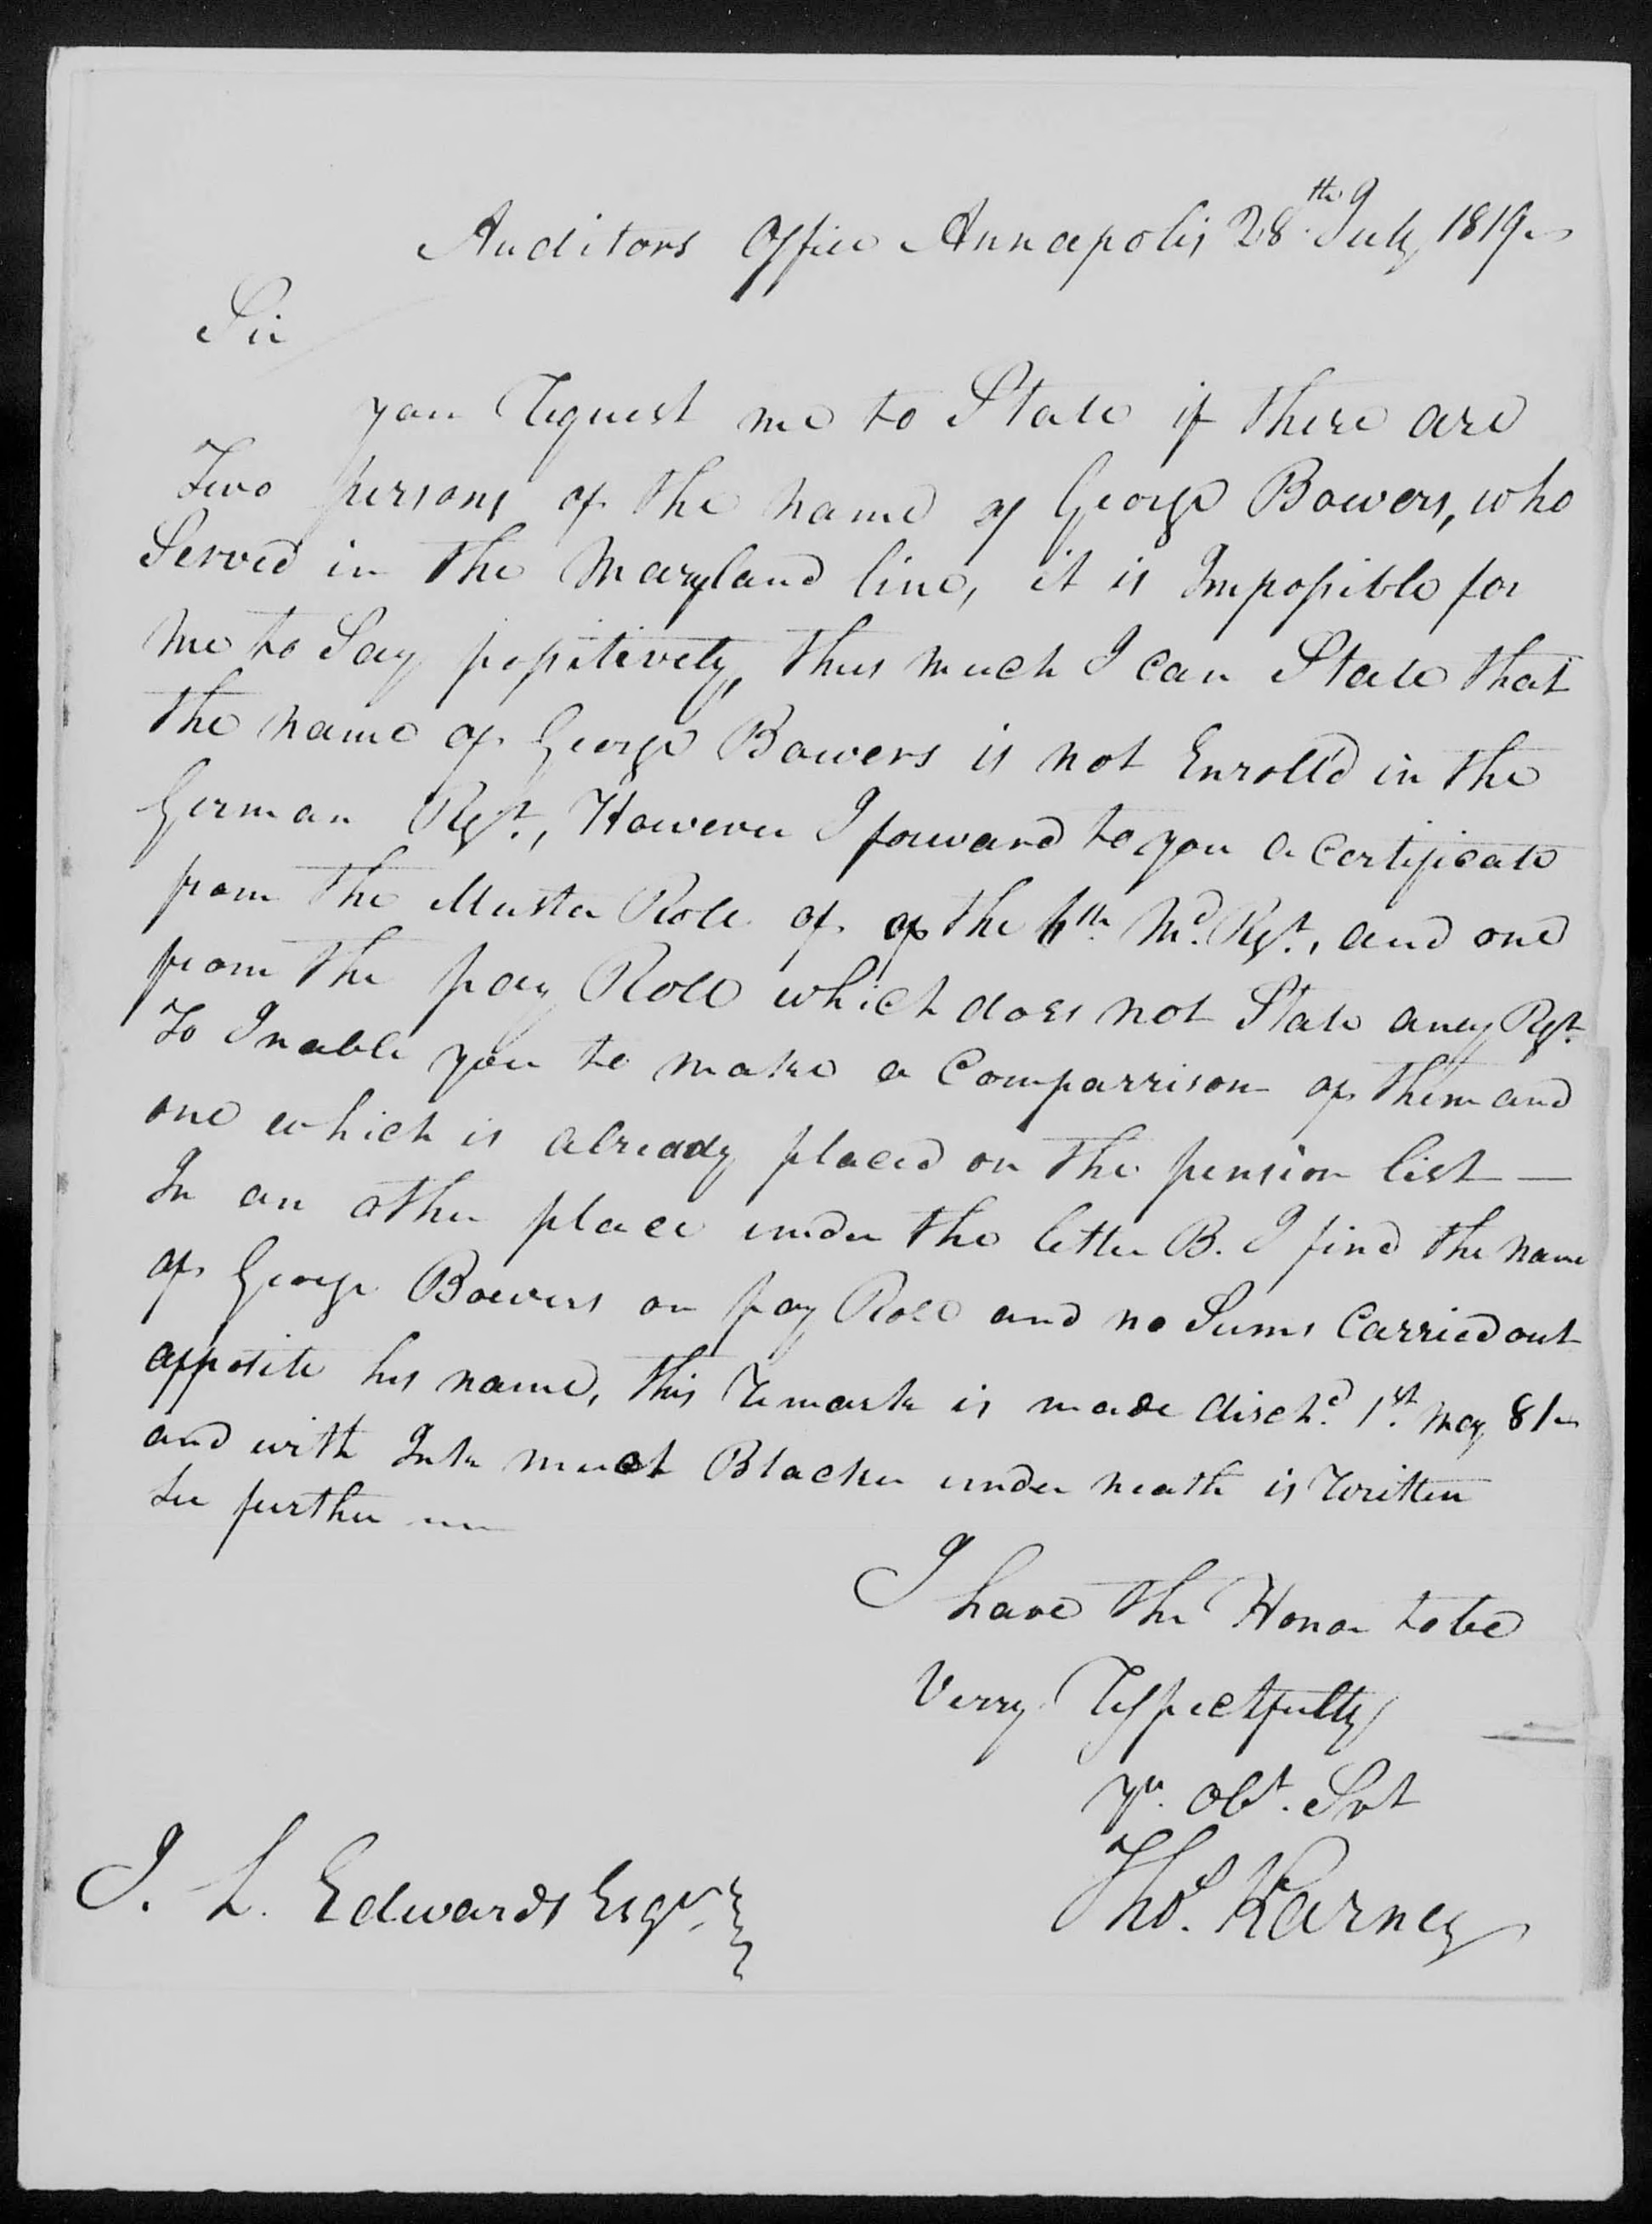[handwritten]

Auditor’s Office, Annapolis, 28th. July 1819 ~

Sir

your Request me to State if there are Two persons of the name of George Bowers, who Served in the Maryland line, it is Impossible for me to Say positively, this much I can State that the name of George Bowers is not Enrolled in the German Regt, However I forward to you a certificate from the Master Roll of  of the 6th Md. Rgt., and one from the Pay Roll which does not State any Rgt. To Inable you to make a comparrison of them and one which is already placed on the pension list – In an other place under the letter B. I find the name of George Bowers on Pay Roll and no Sum carried out opposite his name, This remark is made dischd. 1st. May 81~ and with Ink much Blacken under neath is written See further 

I have the honor to be
Verry Respectfully
Yr Obt Svt
Thos Harney

J. L. Edwards Esqr }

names: George Bowers, Thos Harvey, Blacker, George Bowers, George Bowers, J L Edwards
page: 13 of 19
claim: survivor's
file: S. 40,018, George Bowers, Md